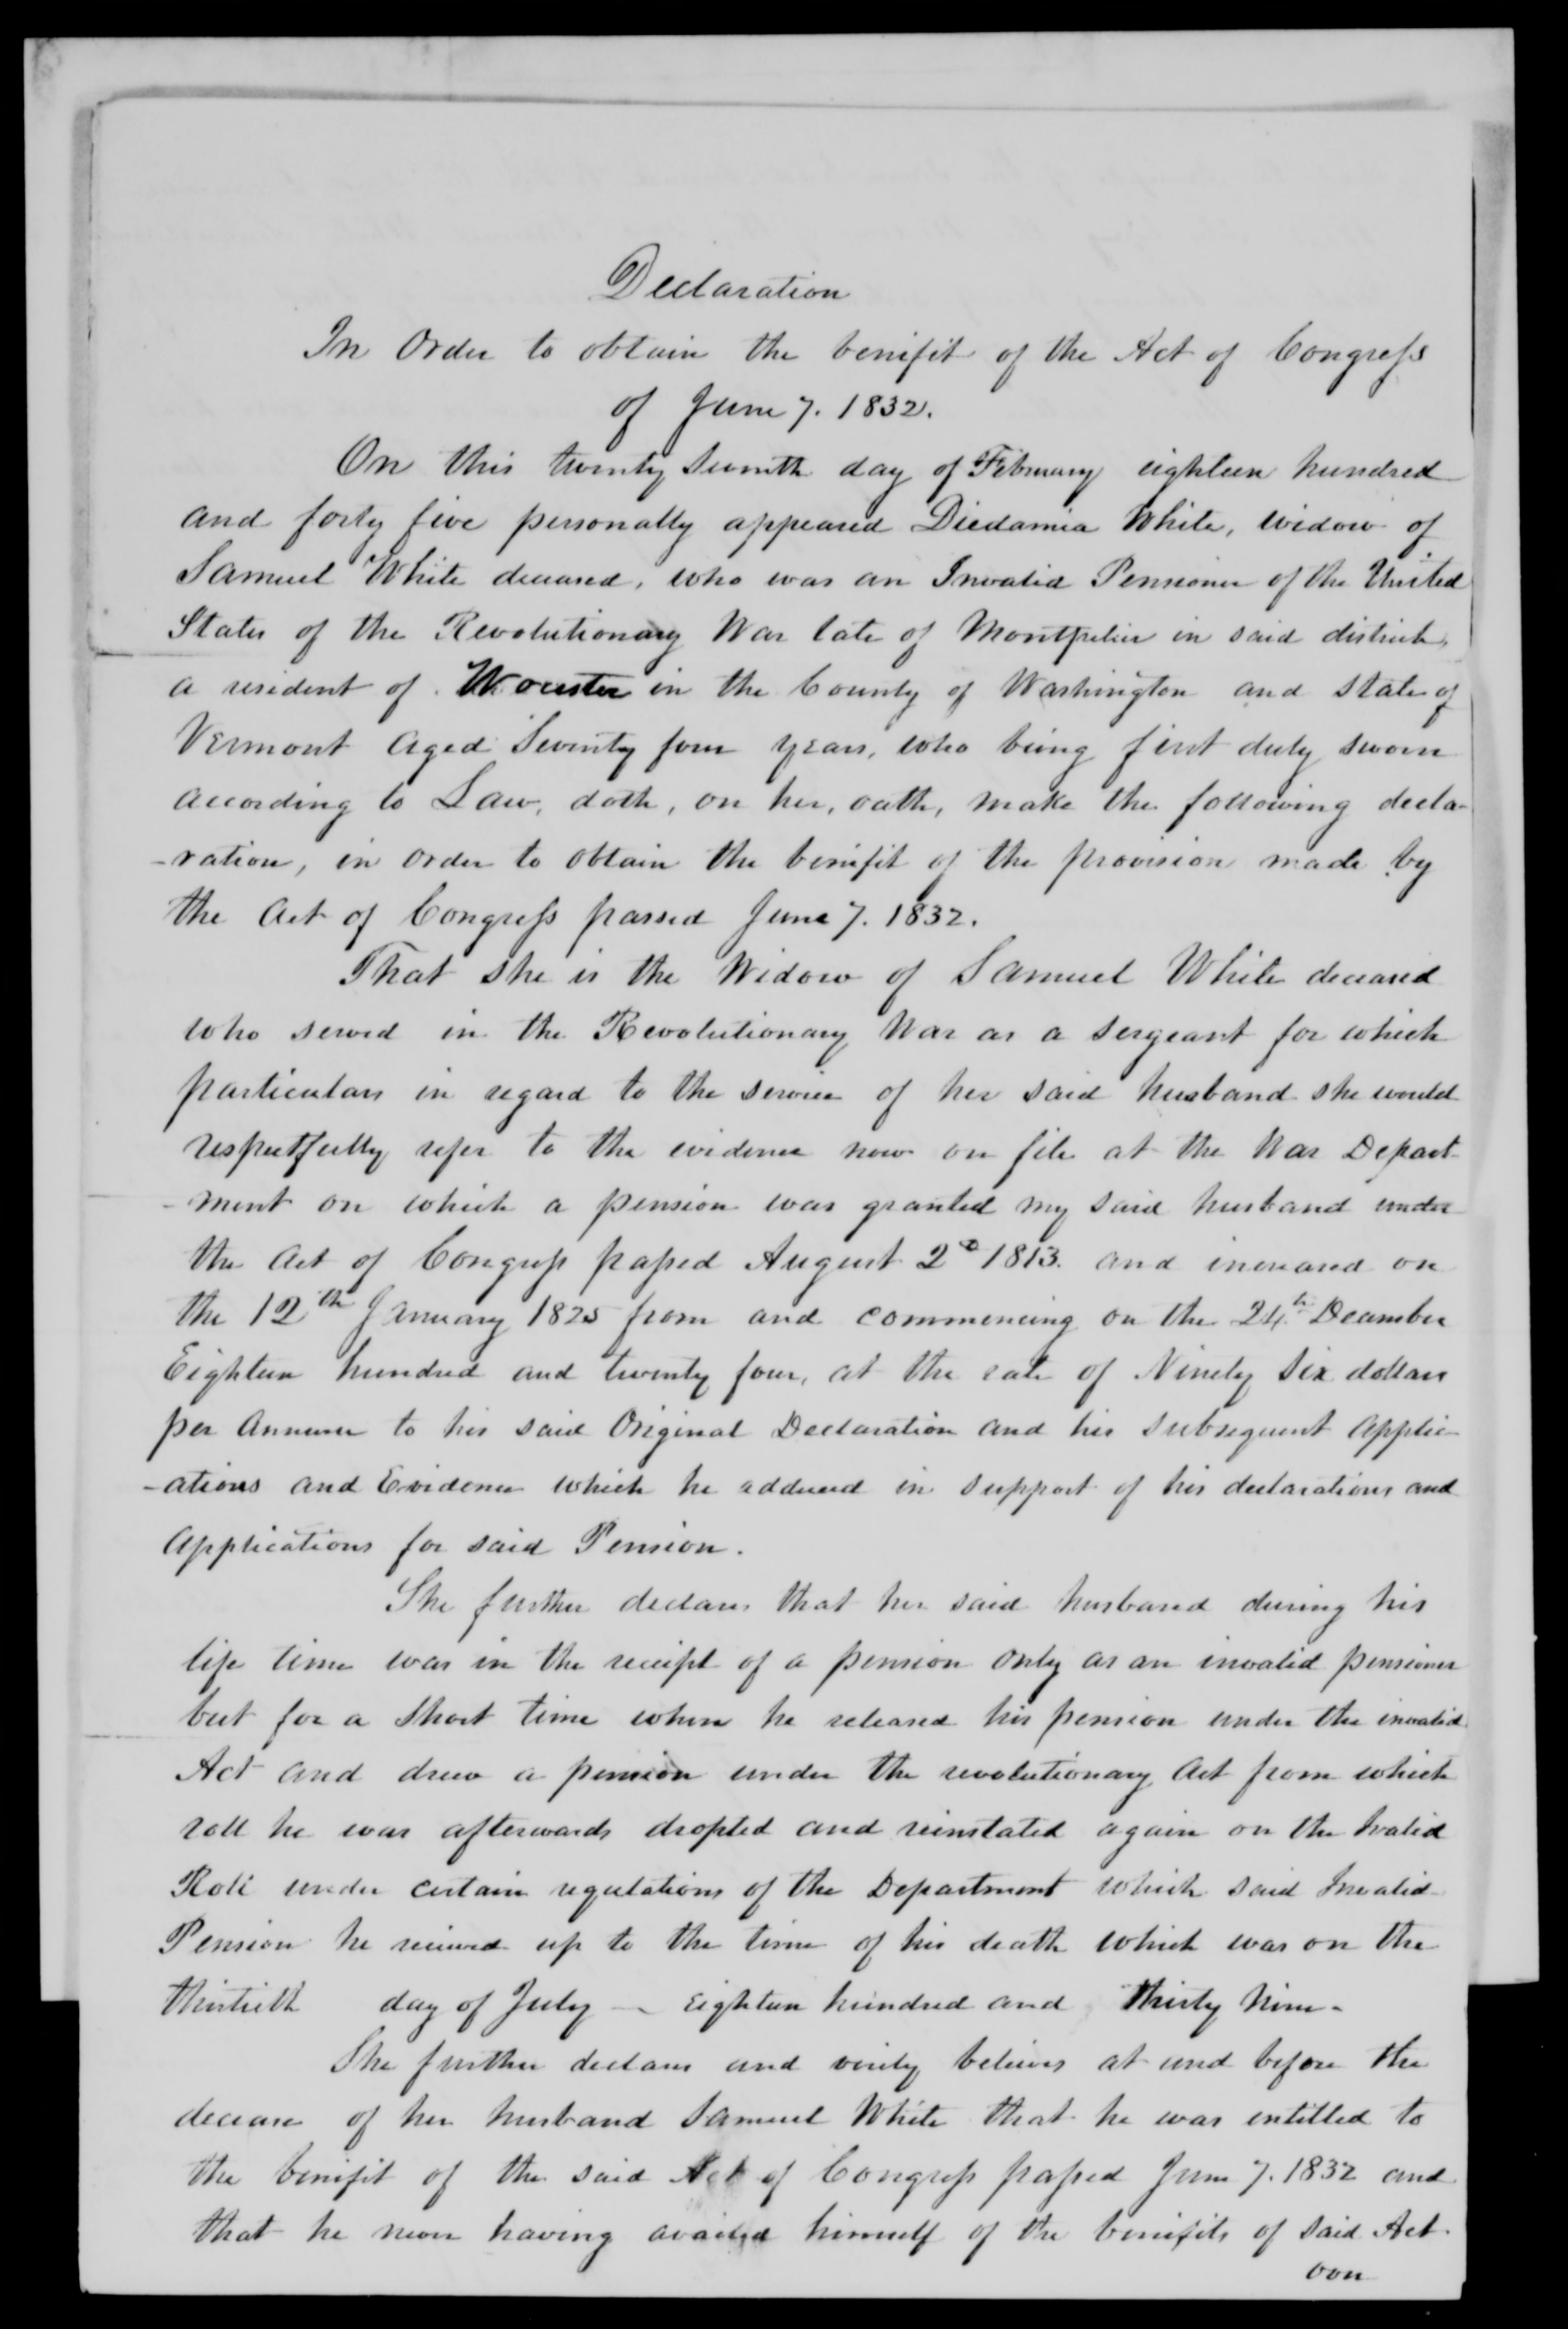Declaration
In Order to obtain the benefit of the Act of Congress of June 7. 1832
On this twenty seventh day of February eighteen hundred and forty five personally appeared Diedamia White, widow of Samuel White deceased, who was an Invalid Pensioner of the United States of the Revolutionary War late of Montpelier in said district a resident of Wocester in the County of Washington and state of Vermont aged seventy four years, who being first duly sworn according to law, doth, on her oath make the following declaration in order to obtain the benefit of the provision made by the act of Congress passed June 7. 1832.
That she is the widow of Samuel White deceased who served in the Revolutionary War as a sergeant for which particulars in regard to the service of her said husband, she would respectfully refer to the evidence now on file at the War Department on which a pension was granted by said husband under the act of Congress passed August 2d 1813, and increased on the 12th January 1825 from and commencing on the 24th December Eighteen hundred and twenty four, at the rate of Ninety six dollars per annum to his said original declaration and his subsequent applications and Evidence which he addressed in support of his declarations and application for said pension.
She further declares that her said husband during his life time was in the receipt of a pension only as an invalid pensioner but for a short time when he released his pension under the invalid Act and drew a pension under the revolutionary Act from which roll he was afterwards dropted and reinstated again on the Invalid Roll under certain regulations of the Department which said Invalid Pension he  received up to the time of his death which was on the thirtieth day of July eighteen hundred and thirty nine.
She further declares and verily believes at and before the decease of her husband Samuel White that he was entitled to the benefit of the said Act of Congress passed June 7 1832 and that he never having availed himself of the benefits of said Act
over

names: Diedamia White, Samuel White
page: 12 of 79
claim: survivor's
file: S. 11759, Samuel White, Mass.